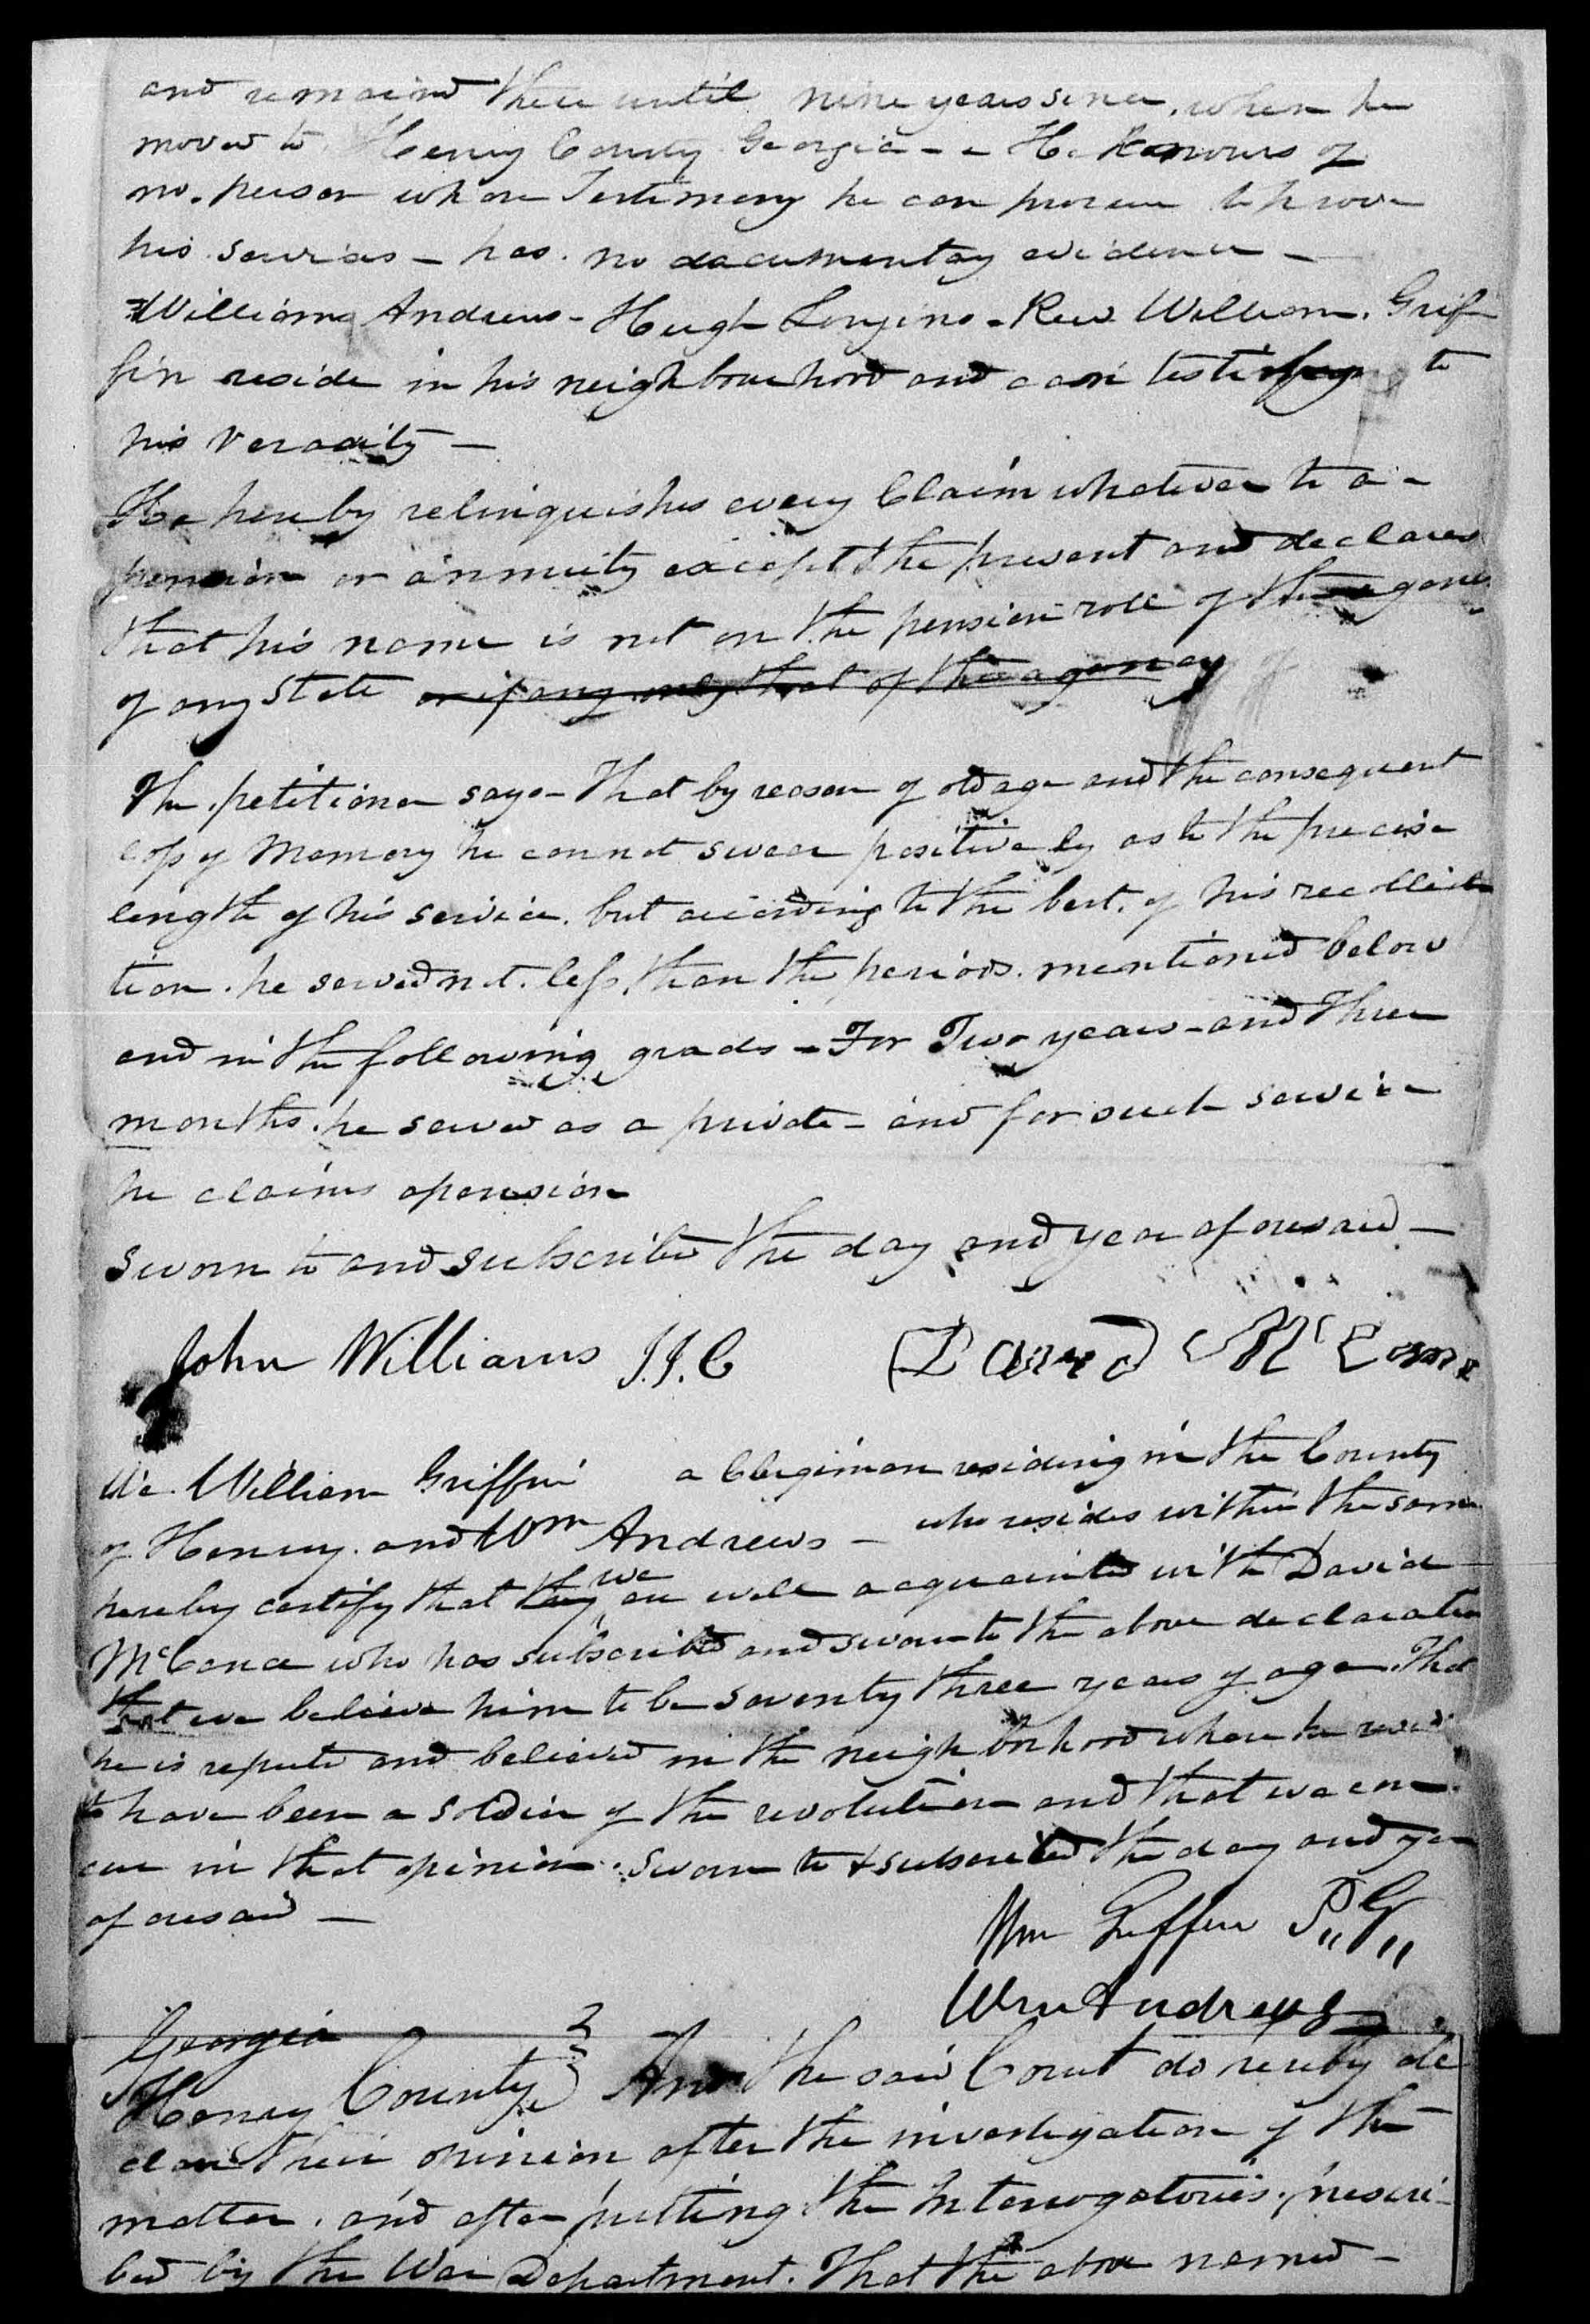and remained there until nine years since, when he
moved to Henry County Georgia - He knows of
no person whose testimony he can provide to prove
his services-- has no documentary evidence -
William Andrews - Hugh Longino - Rev William Griffin
reside in his neighbourhood and can testify to
his veracity -
He hereby relinquishes every claim whatever to a
pension or annuity except the present and declares
that his name is not on the pension roll of the agency
of any state ["or of any  [illegible] of the agency" crossed out]
The petitioner says - That by reason of old age and the consequent
loss of memory he cannot swear positively as to the precise
length of his service but according to the best of his recollection
he served not less than the periods mentioned below
and in the following grades - For Two years and three
months he served as a private and for such service
he claims pension
Sworn to and subscribed the day and year aforesaid
John Williams J.J.C.
David McCance
We William Griffin a Clergiman residing in the County
of Henry and Wm Andrews - who resides within the same
hereby certify that ["they" crossed out] we were well acquainted with David
McCance who has subscribed and sworn to the above declaration
& that we believe him to be seventy three years of age. That
he is reputed and believed in the neighborhood where he resides
to have been a soldier of the revolution and that we concur
in that opinion. Sworn to & subscribed the day and year
aforesaid -
Wm Griffin 
Wm Andrews
Georgia
Henry County
And the said Court do hereby declare
their opinion after the investigation of the
matter, and after putting the Interrogatories prescribed
by the War Department. That the above named -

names: John Williams; Henry Andrews; William Griffin; David Mc Cance; William Andrews; Hugh Longino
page: 8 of 13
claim: survivor's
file: S. 16464, for David Mc Cance, South Carolina